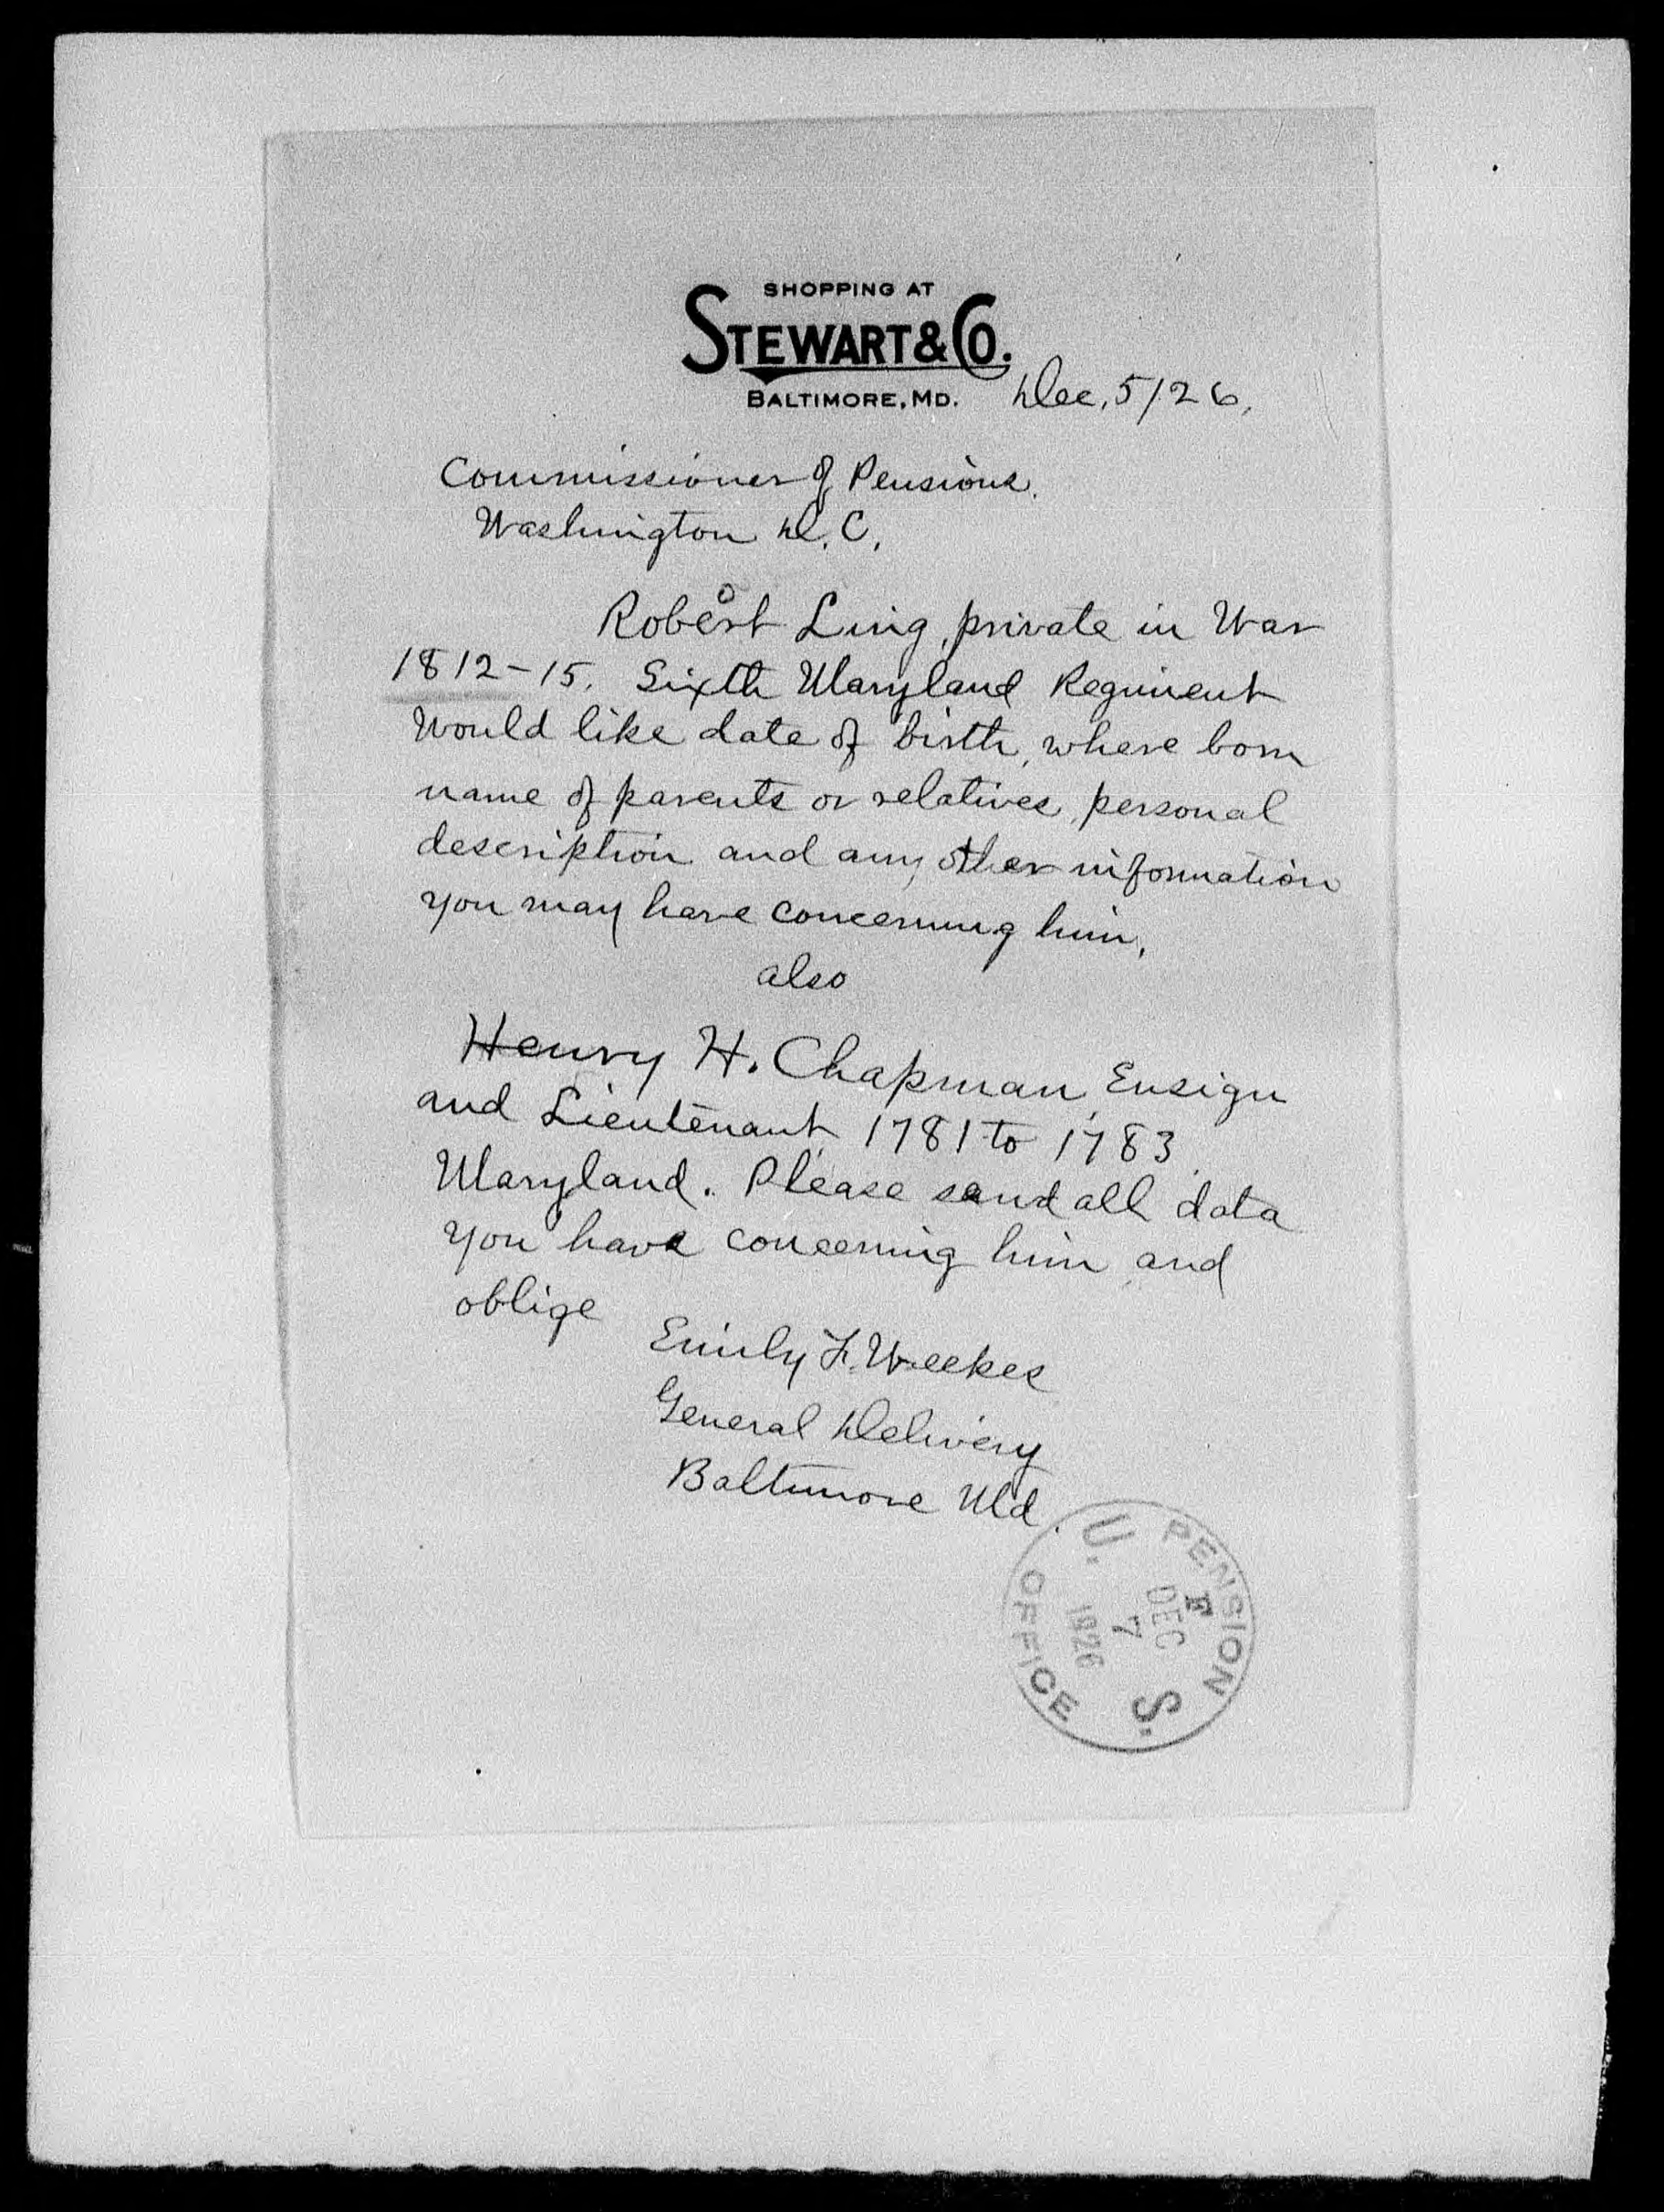SHOPPING AT 
STEWART & CO. 
BALTIMORE, MD.

Dec. 5/26

Commissioner of Pensions,
Washington D.C.

Robert Ling, private in War 1812-15, Sixth Maryland Regiment Would like date of birth, where born name of parents or relatives, personal description and any other information you may have concerning him,
also
Henry H. Chapman, Ensign and Lieutenant 1781 to 1783, Maryland.  Please send all data you have concerning him and oblige
Emily F. Willkes
General Delivery
Baltimore Md.

[stamped] U. S. PENSION OFFICE F DEC 7 1926 [/stamped]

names: Robert Ling, Emily F Willkes, Henry H Chapman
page: 3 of 7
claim: bounty land warrant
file: B.L.Wt. 444-200, Henry H Chapman, Md.